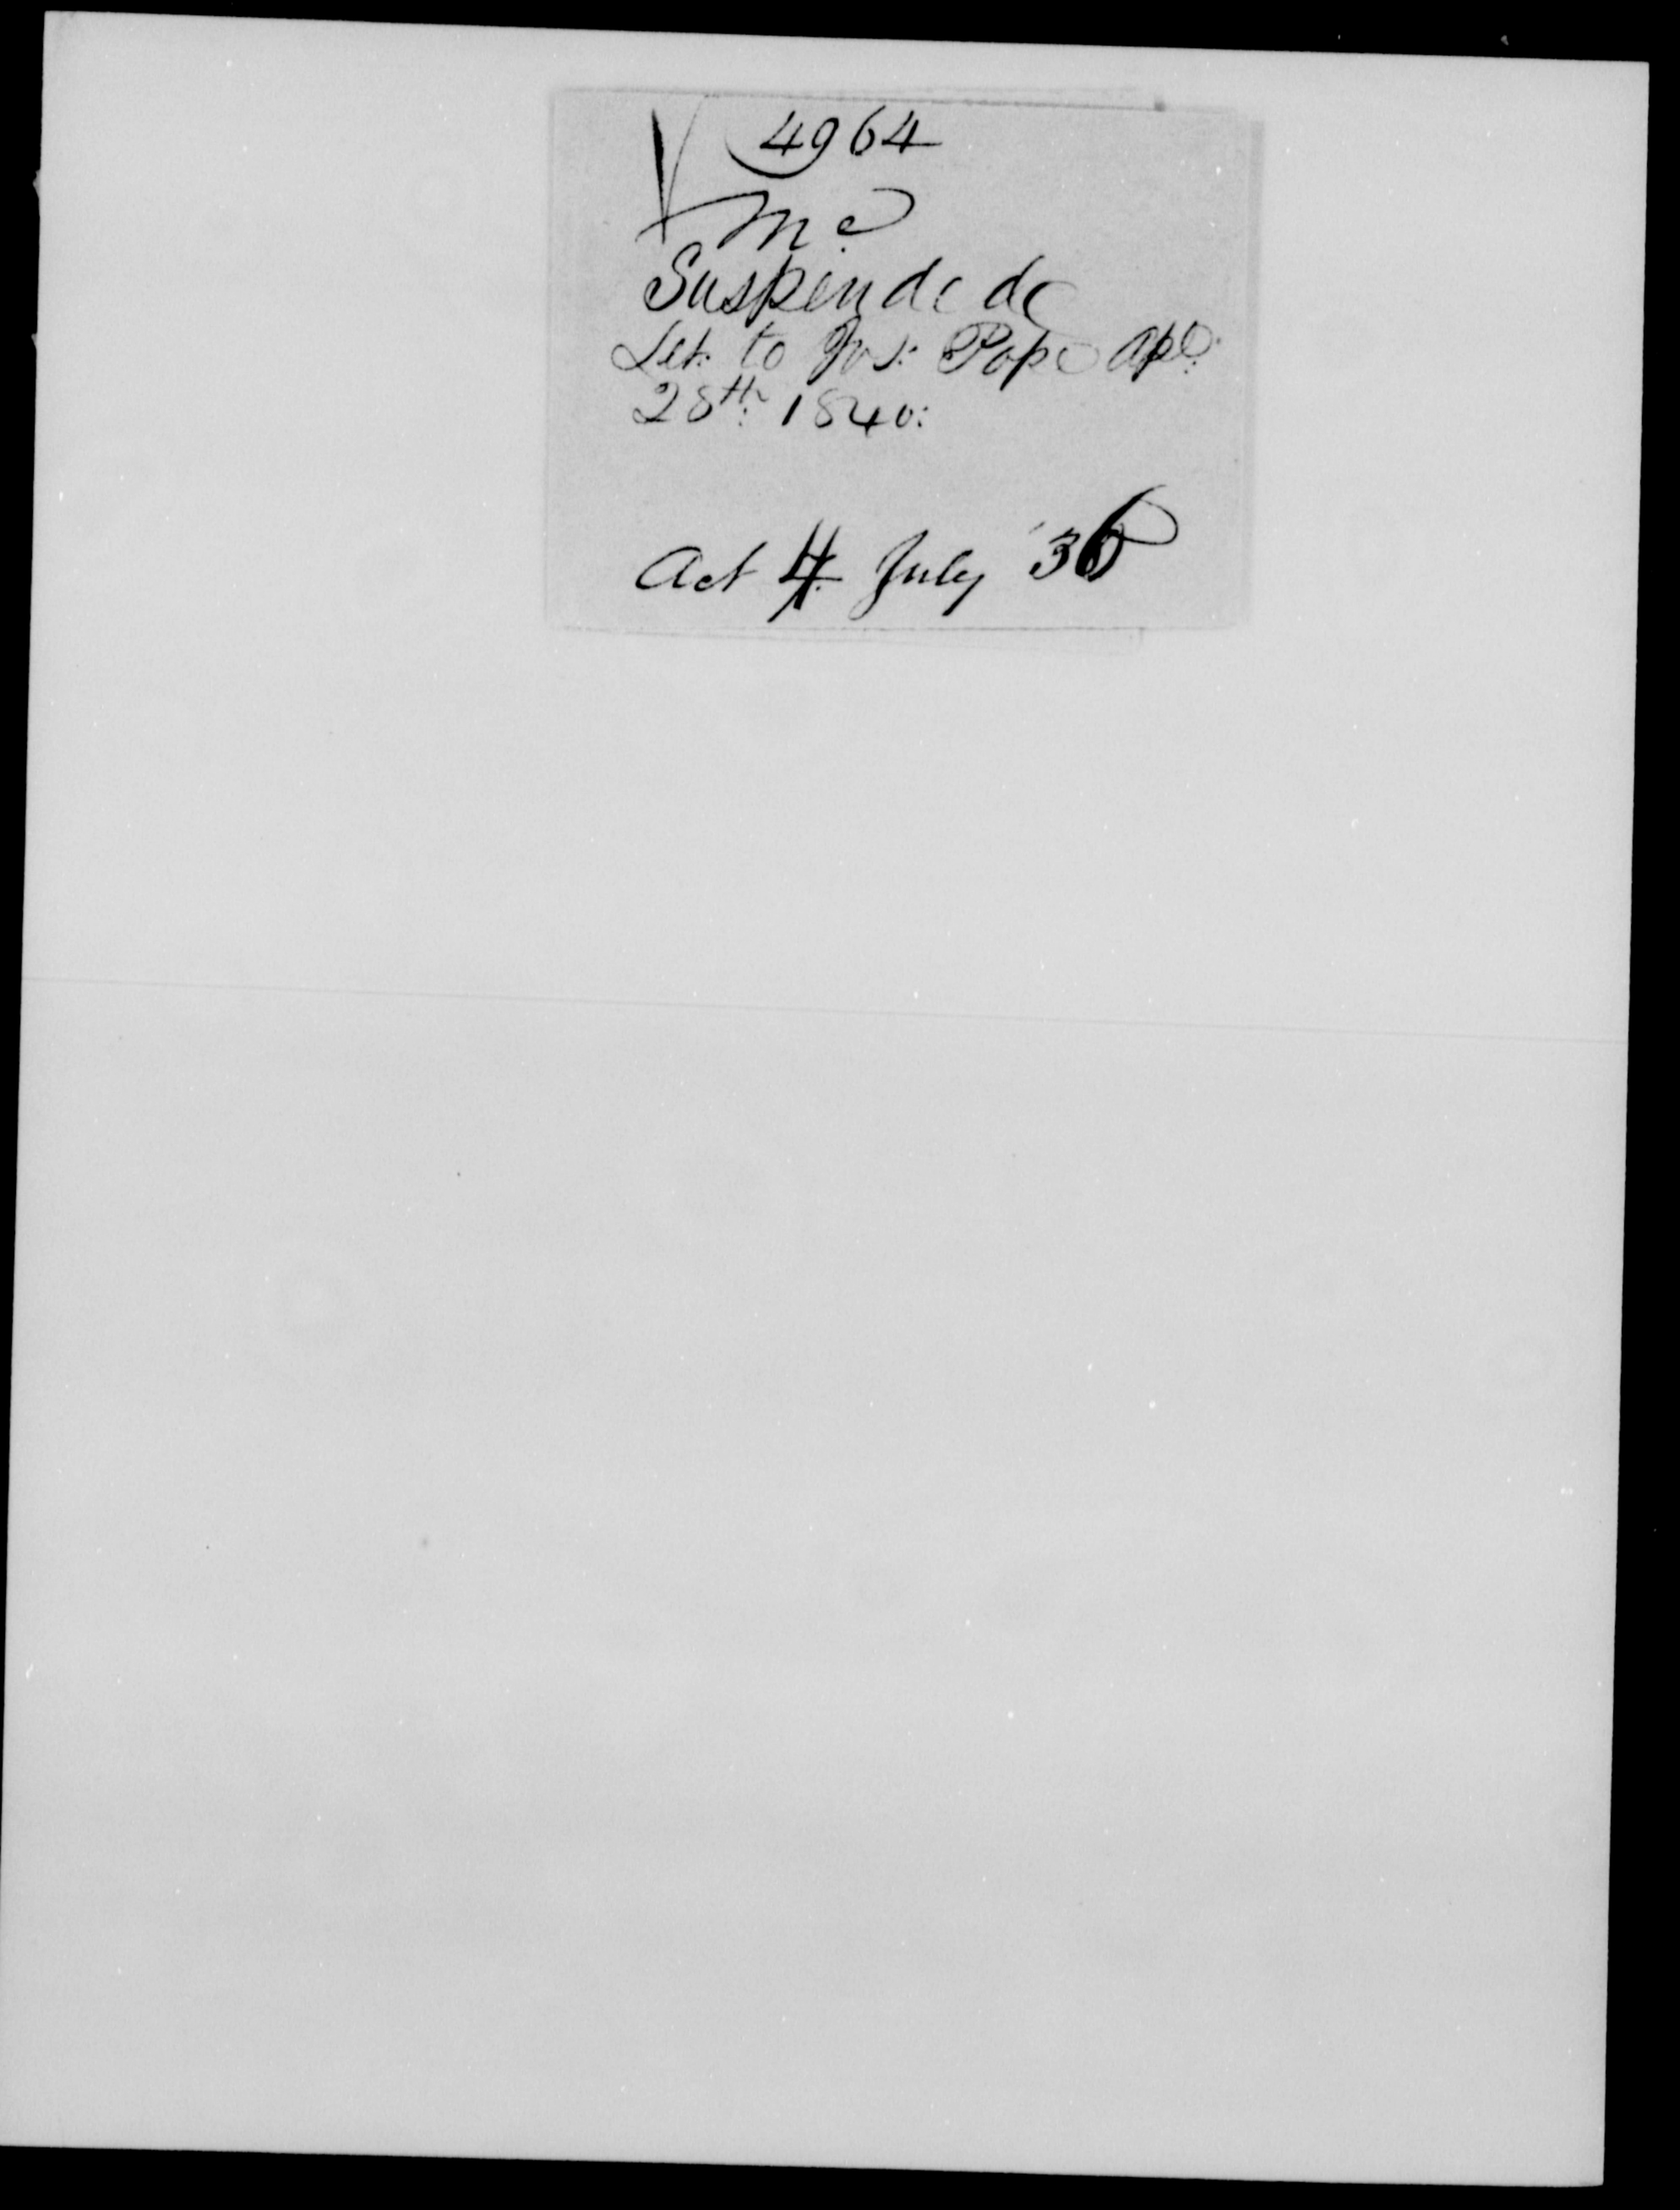[doc is written]

4964
Me
Suspended
Let to Jos Pope Apl
28th 1840:

Act 7 [overwritten] 4 July '36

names: Jos Pope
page: 16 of 20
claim: widow's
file: W. 22,200, for James Sherman, Massachusetts